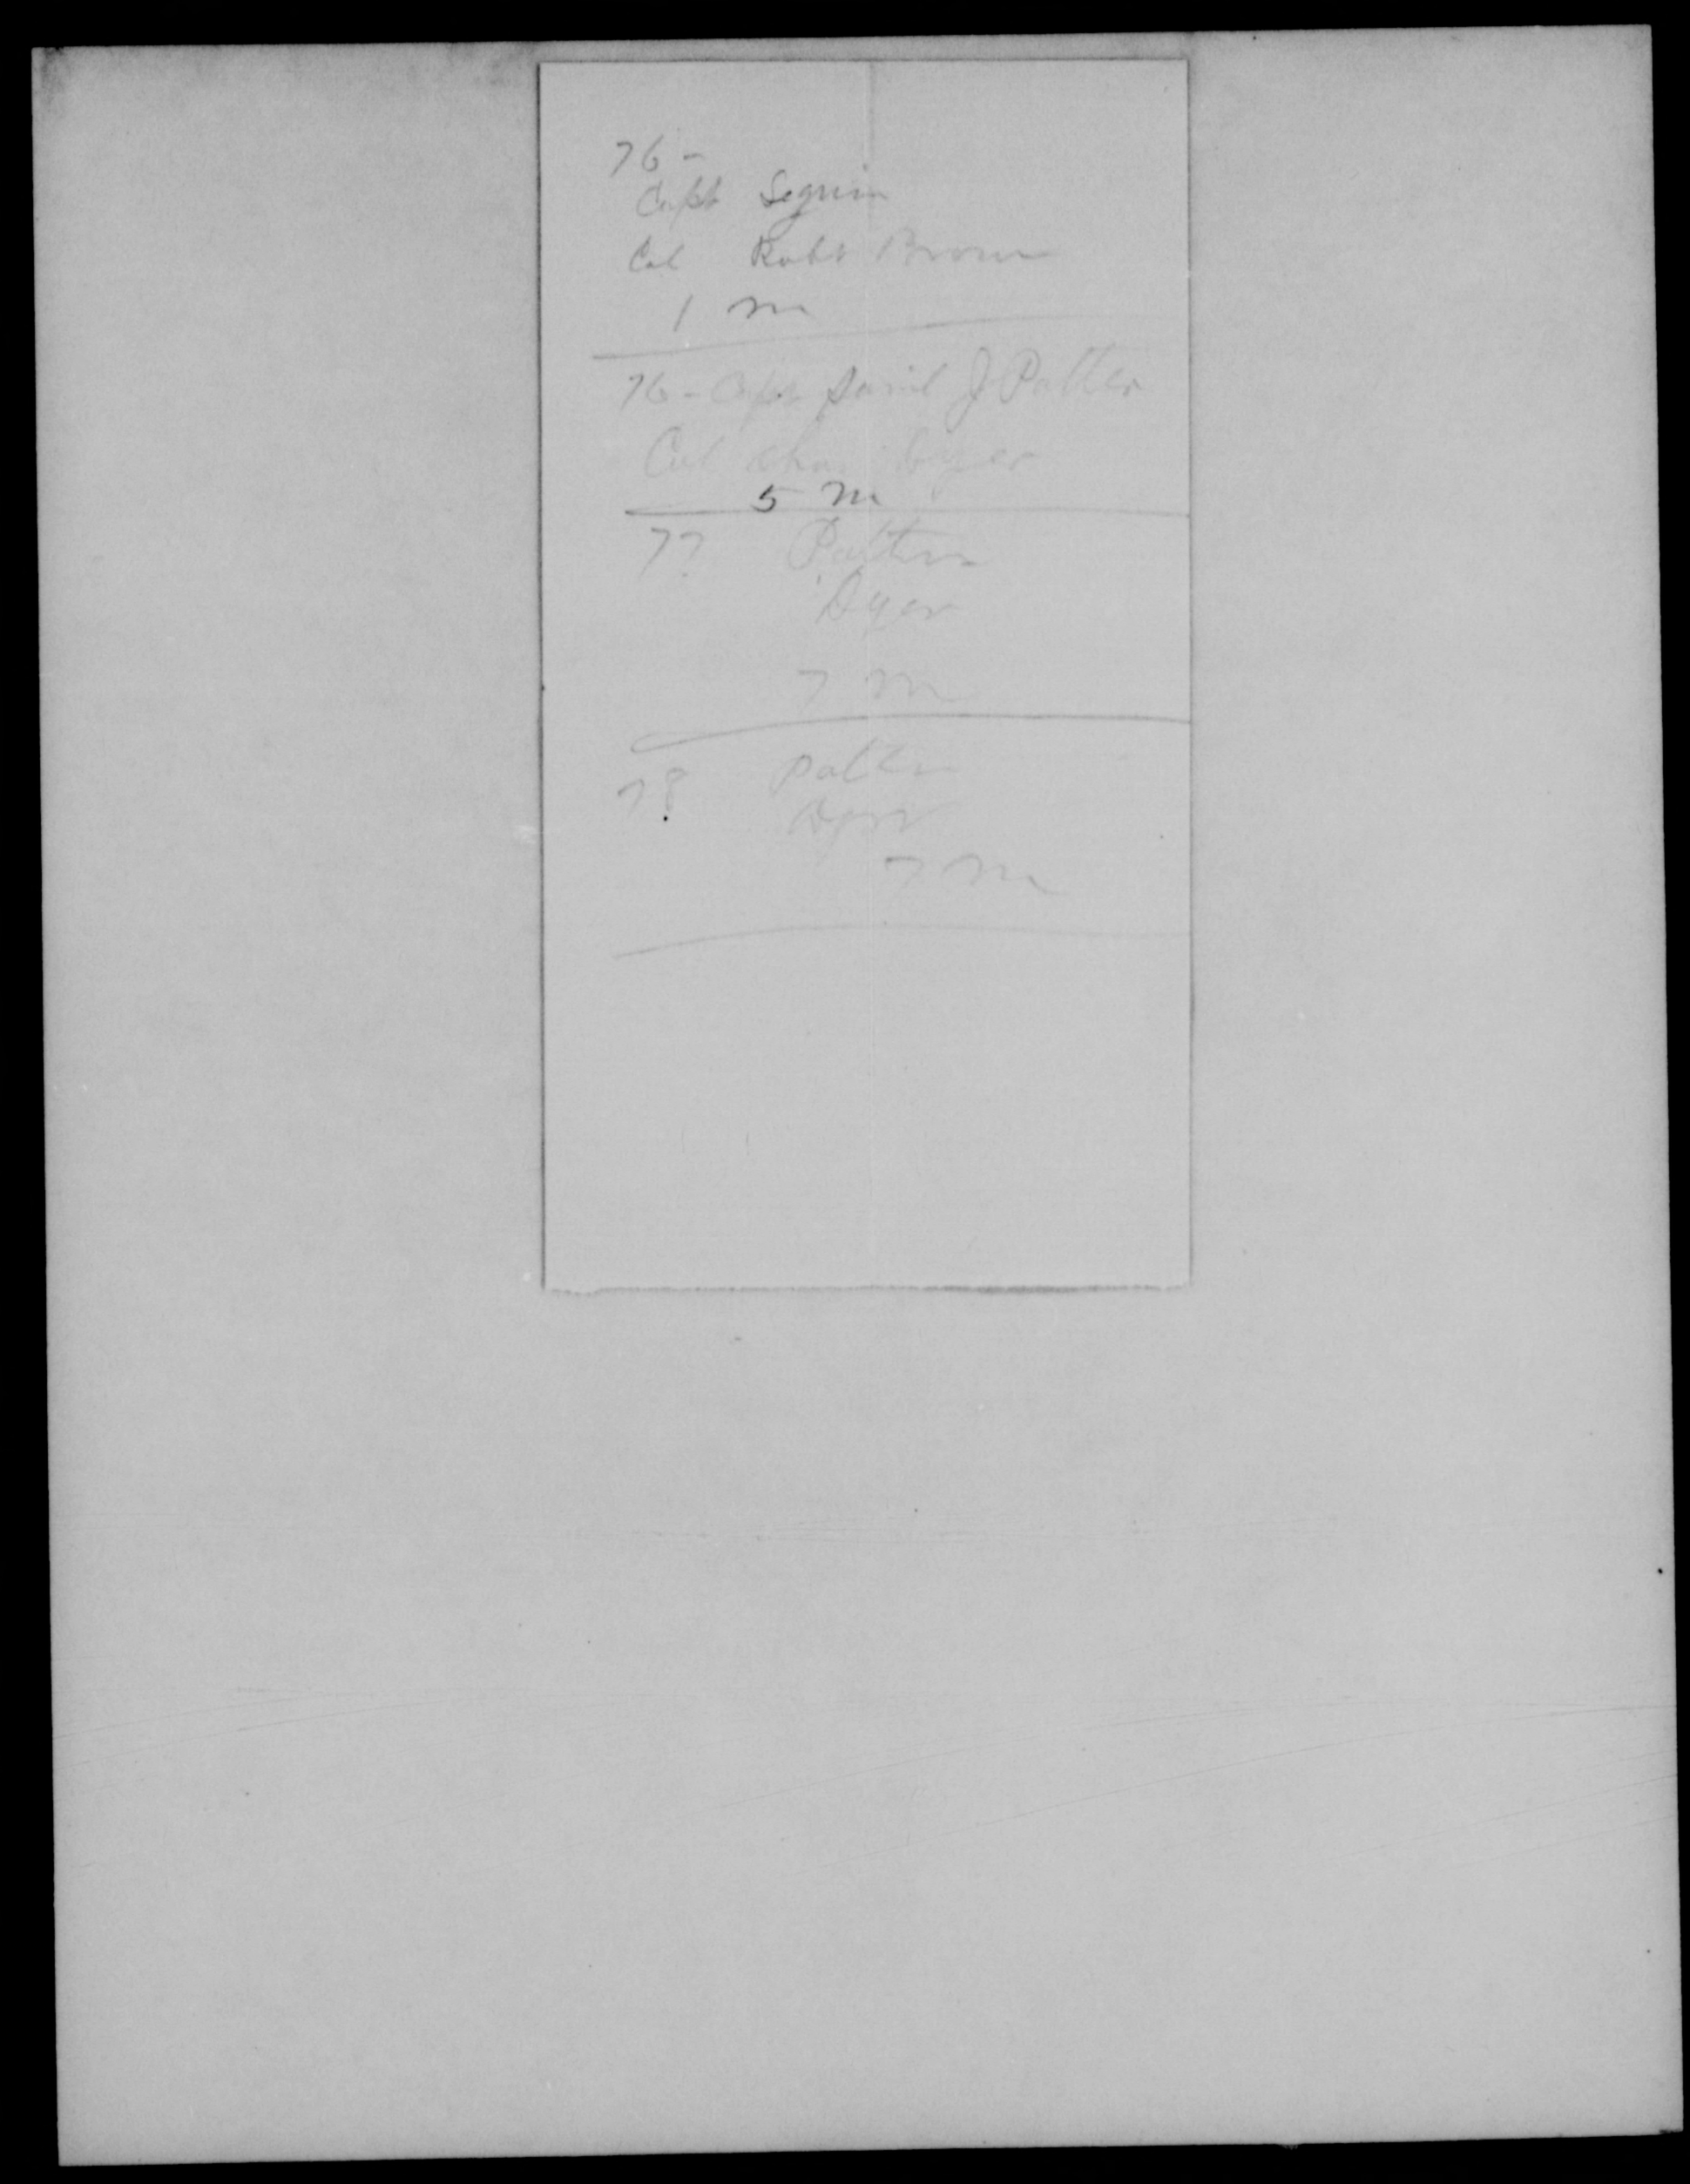76
Capt Seguir
Col Robt Brown
1 mo

76 Capt David J Potter
Col Chas Dyer
5 m

77 Potter
Dyer
7 m

78 Potter
Dyer
7 mo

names: Saml J Potter, Dyer, Robt Brown, Potter, Dyer, Potter, Segur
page: 16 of 21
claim: survivor's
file: S. 21537, William Tourgee, R.I.